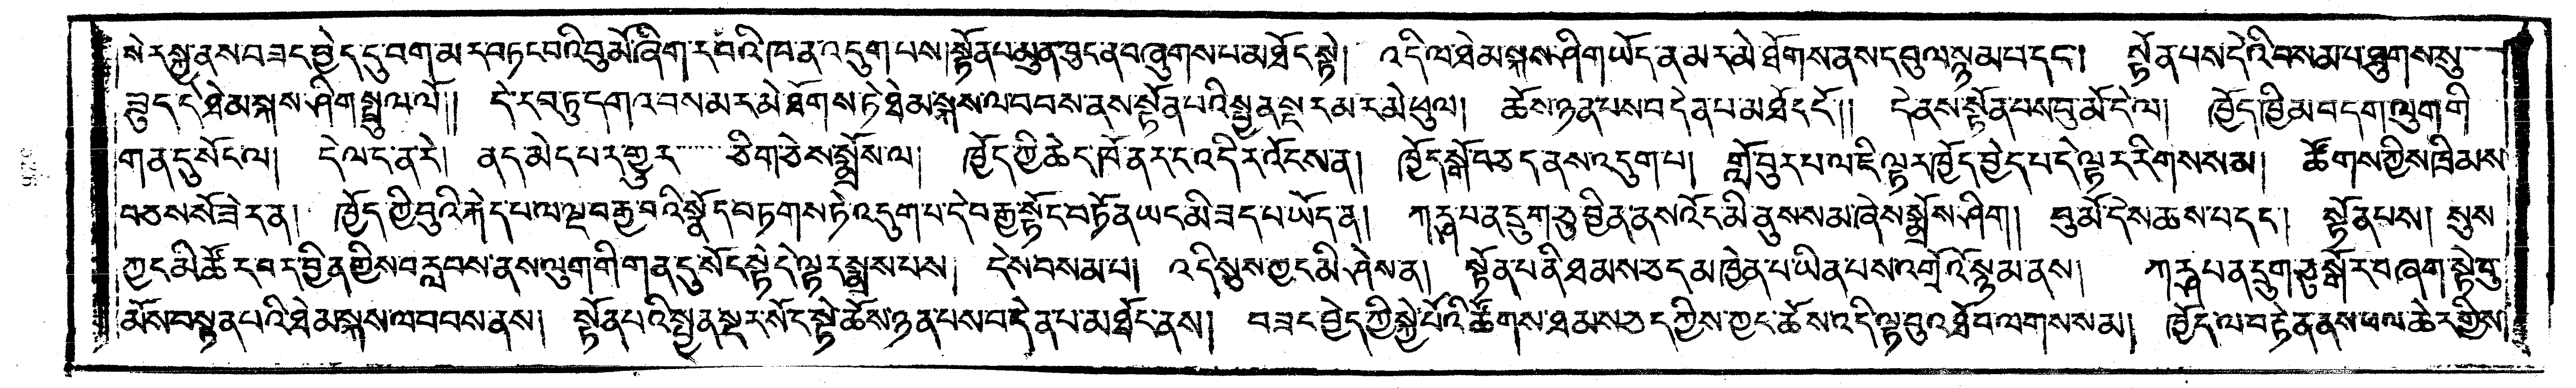སེར་སྐྱ་ནས་བཟང་བྱེད་དུ་བག་མར་བཏང་བའི་བུ་མོ་ཞིག་ར་བའི་ཁ་ན་འདུག་པས། སྟོན་པ་མུན་བུང་ན་བཞུགས་པ་མཐོང་སྟེ། འདི་ལ་ཐེམ་སྐས་ཤིག་ཡོད་ན་མར་མེ་ཐོགས་ནས་དབུལ་སྙམ་པ་དང་། སྟོན་པས་དེའི་བསམ་པ་ཐུགས་སུ་
ཟུད་དེ་ཐེམ་སྐས་ཤིག་སྤྲུལ་ལོ།། དེ་རབ་ཏུ་དགའ་བས་མར་མེ་ཐོགས་ཏེ་ཐེམ་སྐས་ལ་བབས་ནས་སྟོན་པའི་སྤྱན་སྔར་མར་མེ་ཕུལ། ཆོས་ཉན་པས་བདེན་པ་མཐོང་ངོ།། དེ་ནས་སྟོན་པས་བུ་མོ་དེ་ལ། ཁྱོད་ཁྱིམ་བདག་ལུག་གི་
གན་དུ་སོང་ལ། དེ་ལང་ན་རེ། ནད་མེད་པར་གྱུར་ཅིག་ཅེས་སྨྲོས་ལ། ཁྱོད་ཀྱི་ཆེད་ཁོ་ནར་ང་འདིར་འོངས་ན། ཁྱོད་སྒོ་བཅད་ནས་འདུག་པ། གློ་བུར་པ་ལ་ཇི་ལྟར་ཁྱོད་བྱེད་པ་དེ་ལྟར་རིགས་སམ། ཚོགས་ཀྱིས་ཁྲིམས་
བཅས་སོ་ཟེར་ན། ཁྱོད་ཀྱི་བུའི་རྐེད་པ་ལ་ལྔ་བརྒྱ་བའི་སྣོད་བཏགས་ཏེ་འདུག་པ་དེ་བརྒྱ་སྟོང་བཏོན་ཡང་མི་ཟད་པ་ཡོད་ན། ཀརྴ་པ་ན་དྲུག་ཅུ་བྱིན་ནས་འོང་མི་ནུས་སམ་ཞེས་སྨྲོས་ཤིག། བུ་མོ་དེས་ཆས་པ་དང་། སྟོན་པས། སུས་
ཀྱང་མི་ཚོར་བར་བྱིན་གྱིས་བརླབས་ནས་ལུག་གི་གན་དུ་སོང་སྟེ་དེ་ལྟར་སྨྲས་པས། དེས་བསམ་པ། འདི་སུས་ཀྱང་མི་ཤེས་ན། སྟོན་པ་ནི་ཐམས་ཅད་མཁྱེན་པ་ཡིན་པས་འགྲོའོ་སྙམ་ནས། ཀརྴ་པན་དྲུག་ཅུ་སྒོར་བཞག་སྟེ་བུ་
མོས་བསྟན་པའི་ཐེམ་སྐས་ལ་བབས་ནས། སྟོན་པའི་སྤྱན་སྔར་སོང་སྟེ་ཆོས་ཉན་པས་བདེན་པ་མཐོང་ནས། བཟང་བྱེད་ཀྱི་སྐྱེ་པོའི་ཚོགས་ཐམས་ཅད་ཀྱིས་ཀྱང་ཆོས་འདི་ལྟ་བུ་འཐོབ་ལགས་སམ། ཁྱོད་ལ་བརྟེན་ནས་ཕལ་ཆེར་གྱིས་